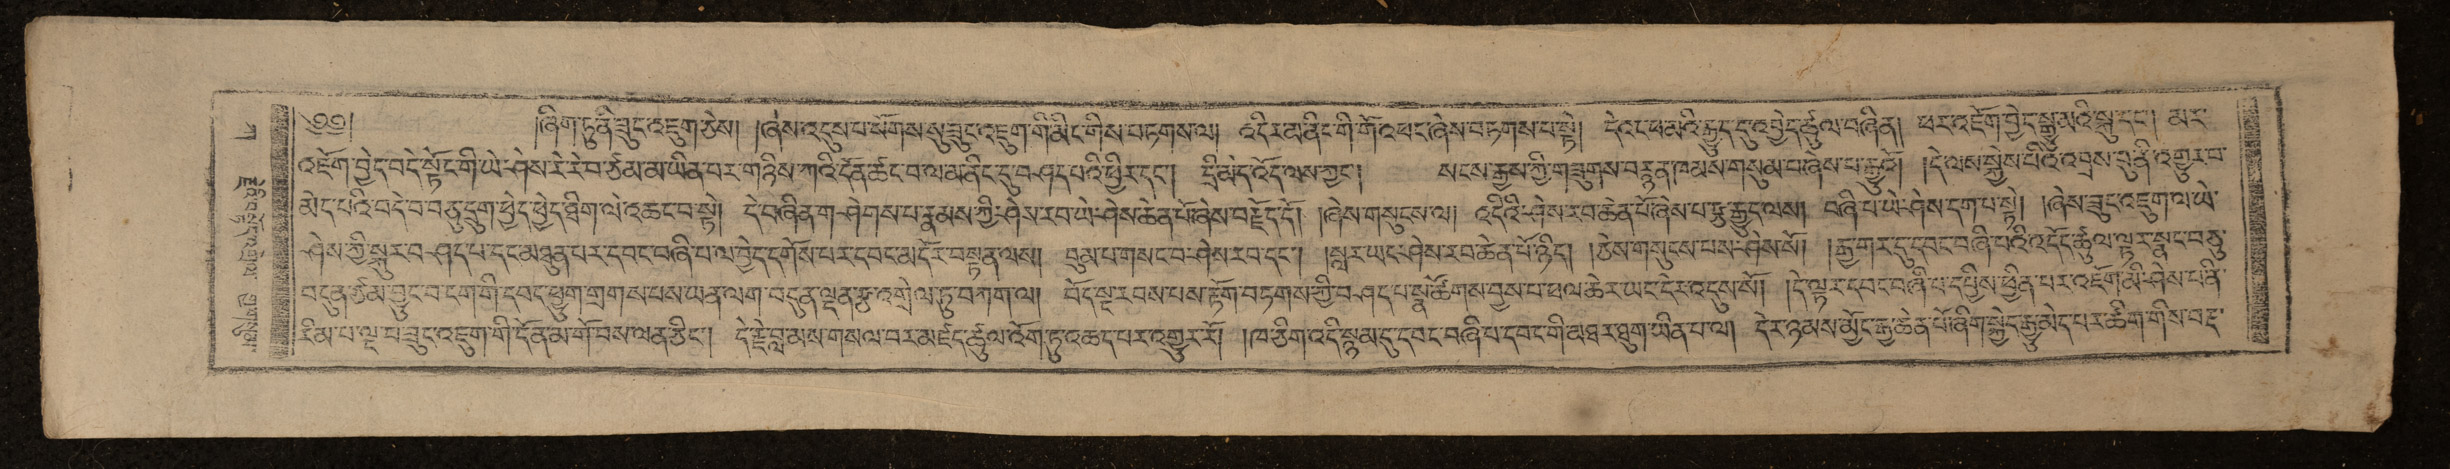༄༅། །ཞིག་ཏུ་ནི་ཟུང་འཇུག་ཅེས། །ཞེས་འདུས་པ་སོགས་སུ་ཟུང་འཇུག་གི་མིང་གིས་བཏགས་ལ། འདིར་མ་ནིང་གི་གོ་འཕང་ཞེས་བཏགས་པ་སྟེ། དེའང་ཕ་མའི་རྒྱུད་དུ་འབྱེད་ཚུལ་བཞིན། ཕར་འཇོག་བྱེད་སྒྱུ་མའི་སྐུ་དང་། མར་
འཇོག་བྱེད་བདེ་སྟོང་གི་ཡེ་ཤེས་རེ་རེ་བ་ཙམ་མ་ཡིན་པར་གཉིས་ཀའི་དོན་ཚང་བ་ལམ་ནིང་དུ་བཤད་པའི་ཕྱིར་དང་། དྲི་མེད་འོད་ལས་ཀྱང་། སངས་རྒྱས་ཀྱི་གཟུགས་བརྙན་ཁམས་གསུམ་པ་ཞེས་པ་རྒྱུའོ། །དེ་ལས་སྐྱེས་པའི་འབྲས་བུ་ནི་འགྱུར་པ་
མེད་པའི་བདེ་བ་བཅུ་དྲུག་ཕྱེད་ཕྱེད་ཐིག་ལེ་འཆང་བ་སྟེ། དེ་བཞིན་གཤེགས་པ་རྣམས་ཀྱི་ཤེས་རབ་ཡེ་ཤེས་ཆེན་པོ་ཞེས་བརྗོད་དོ། །ཞེས་གསུངས་ལ། འདིའི་ཤེས་རབ་ཆེན་པོ་ཞེས་པ་རྩ་རྒྱུད་ལས། བཞི་པ་ཡེ་ཤེས་དག་པ་སྟེ། །ཞེས་གཟུང་འཇུག་ལ་ཡེ་
ཤེས་ཀྱི་སྐུར་བཤད་པ་དང་མཐུན་པར་དབང་བཞི་པ་ལ་བྱེད་དགོས་པར་དབང་མདོར་བསྟན་ལས། བུམ་པ་གསང་བ་ཤེས་རབ་དང་། །སླར་ཡང་ཤེས་རབ་ཆེན་པོ་ཉིད། །ཅེས་གསུངས་པས་ཤེས་སོ། །རྒྱ་གར་དུ་དབང་བཞི་པའི་འདོད་ཚུལ་ལྟར་སྣང་བཅུ་
བདུན་ཙམ་བྱུང་བ་དག་གི་དབང་ཕྱུག་གྲགས་པས་ཡན་ལག་བདུན་ལྡན་རྩ་འགྲེལ་ཏུ་བཀག་ལ། བོད་སྔ་རབས་པས་རྟོག་བཏགས་ཀྱི་བཤད་པ་སྣ་ཚོགས་བྱས་པ་ཕལ་ཆེར་ཡང་དེར་འདུས་སོ། །དེ་ལྟར་དབང་བཞི་པ་དཔྱིས་ཕྱིན་པར་འཇོག་མི་ཤེས་བ་ནི་
རིམ་པ་ལྔ་པ་ཟུང་འཇུག་གི་དོན་མགོ་པས་ལན་ཅིང་། དེ་རྗེ་བླ་མས་གསལ་བར་མཛད་ཚུལ་འོག་ཏུ་འཆད་པར་འགྱུར་རོ། །ཁ་ཅིག་འདི་སྙམ་དུ་དབང་བཞི་པ་དབང་གི་མཐར་ཐུག་ཡིན་པ་ལ། དེར་ཉམས་མྱོང་རྒྱ་ཆེན་པོ་ཞིག་སྐྱེད་རྒྱུ་མེད་པར་ཚིག་གིས་བརྡ་